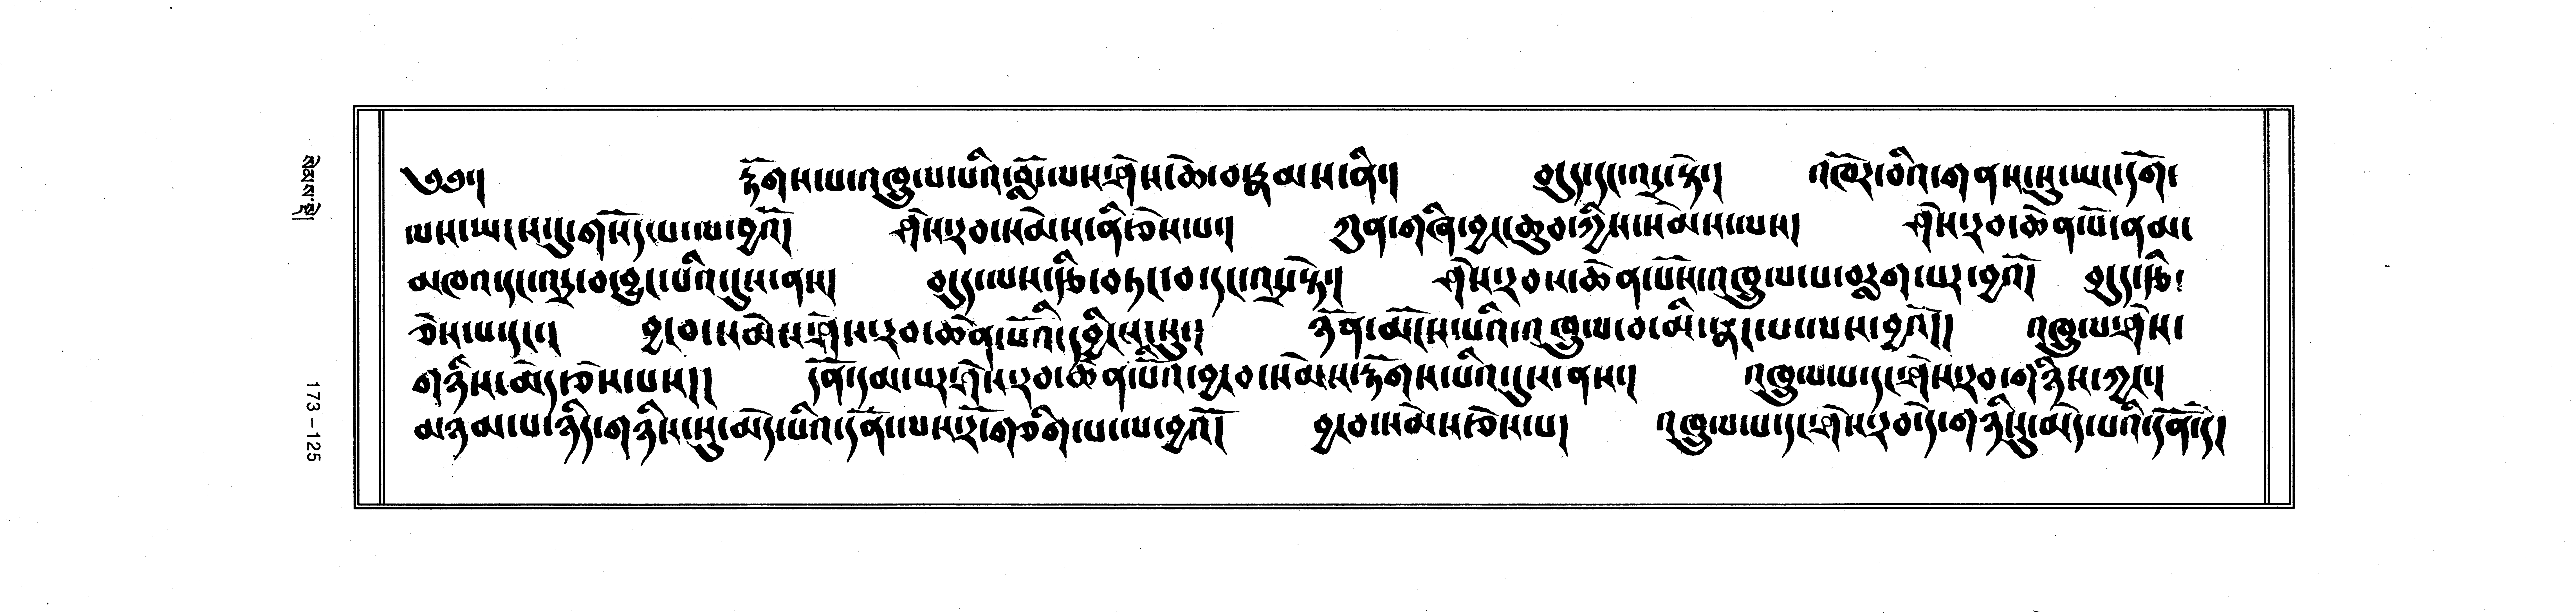རྟོགས་པ་འཁྲུལ་པའི་བློ་ལས་ཤས་ཆེ་བ་རྣམས་ནི། བདུད་དང་འདྲ་སྟེ། འཁོར་བའི་གནས་སུ་༼འཁྲུལ་པས༽ཡང་དོག་
ཡས་ཡང་དུ་གསོད་པ་ལ་བྱའོ། །ཤེས་རབ་སེམས་ནི་ཅེས་པས། ཀུན་གཞི་བྱང་ཆུབ་ཀྱི་སེམས་ལས། ཤེས་རབ་ཆེན་པོ་ནམ་
མཁའ་དང་འདྲ་བ་བྱུང་བའི་དུས་ནས། བདུད་ལ་རྩི་བཏང་བ་དང་འདྲ་སྟེ། ཤེས་རབ་ཆེན་པོས་འཁྲུལ་པ་བརླག་པར་བྱས་པ་ལ་བྱའོ། །བདུད་རྩི་
ཅེས་པ་དང་། བྱང་ཆུབ་ཀྱི་སེམས་ཤེས་རབ་ཆེན་པོའི་དབྱིངས་སུ་ཉོན་མོངས་པའི་འཁྲུལ་པ་མི་སྣང་བ་ལ་བྱའོ། །འཁྲུལ་ཤེས་
གཉིས་མེད་ཅེས་པས། དོན་དམ་པར་ཤེས་རབ་ཆེན་པོའི་བྱང་ཆུབ་ཀྱི་སེམས་རྟོགས་པའི་དུས་ན། འཁྲུལ་པ་དང་ཤེས་རབ་གཉིས་ཀྱང་། 
མཉམ་པ་ཉིད་གཉིས་སུ་མེད་པའི་དོན་ལས་རོ་གཅིག་པ་གཅིག་པ་ལ་བྱའོ། །བྱང་ཆུབ་སེམས་ཀྱི་ཅེས་པ། འཁྲུལ་པ་དང་ཤེས་རབ་དེ་གཉིས་སུ་མེད་པའི་དོན་དེ།